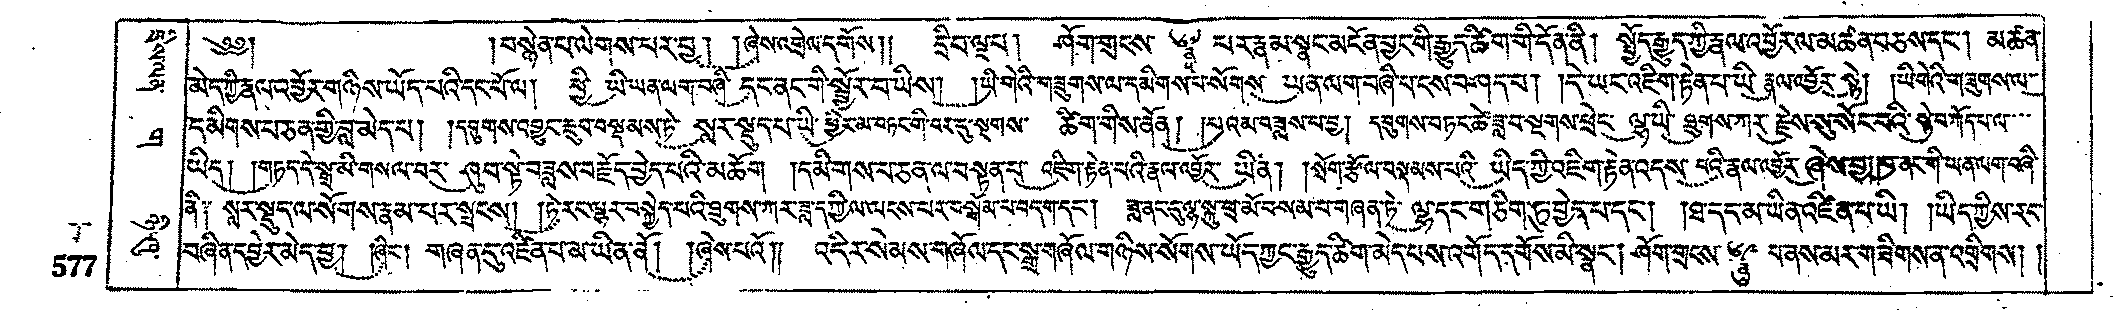༄༅། །བསྙེན་པ་ལེགས་པར་བྱ། །ཞེས་འགྲེལ་དགོས།།  དྲི་བ་ལྔ་པ། ཤོག་གྲངས ༦༧་ན ༥་པར་རྣམ་སྣང་མངོན་བྱང་གི་རྒྱུད་ཚིག་གི་དོན་ནི། སྤྱོད་རྒྱུད་ཀྱི་རྣལ་འབྱོར་ལ་མཚན་བཅས་དང་། མཚན་
མེད་ཀྱི་རྣལ་འབྱོར་གཉིས་ཡོད་པའི་དང་པོ་ལ། ཕྱི་ཡི་ཡན་ལག་བཞི་དང་ནང་གི་སྦྱོར་བ་ཡིས། །ཡི་གེའི་གཟུགས་ལ་དམིགས་པ་སོགས་ཡན་ལག་བཞི་པ་ངས་བཤད་པ། །དེ་ཡང་འཇིག་རྟེན་པ་ཡི་རྣལ་འབྱོར་སྟེ།  །ཡི་གེའི་གཟུགས་ལ་་་
དམིགས་པ་ཅན་གྱི་བླ་མེད་པ། །དབུགས་འབྱུང་རྔུབ་བསྡམས་ཏེ་སླར་སྡུད་པ་ཡི་ཕྱིར་མ་བཏང་གི་བར་དུ་སྔགས་ཚིག་གིས་ནོན། །པའམ་བཟླས་པ་བྱ། དབུགས་བཏང་ཚེ་ཟླ་བ་སྔགས་ཕྲེང་ལྷ་ཡི་ཐུགས་ཀར་རྗེས་སུ་སོང་བའི་སྟེ་བཀོད་པ་ལ་་་
ཡིད། །གཏད་དེ་སྒྲ་མི་གསལ་བར་ཤུབ་སྟེ་བཟླས་བརྗོད་བྱེད་པའི་མཆོག །དམིགས་པ་ཅན་ལ་བསྟན་པ་འཇིག་རྟེན་པའི་རྣལ་འབྱོར་ཡིན། །སྲོག་རྩོལ་བསྡམས་པའི་ཡིད་ཀྱི་འཇིག་རྟེན་འདས་པའི་རྣལ་འབྱོར་ཞེས་བྱ། །བ་ནང་གི་ཡན་ལག་བཞི་
ནི༑ སླར་སྡུད་ལ་སོགས་རྣམ་པར་སྤངས། །ཏེ་རང་ལར་བསྐྱེད་པའི་ཐུགས་ཀར་ཟླ་དཀྱིལ་ལངས་པར་བསྒོམ་པ་བདག་དང་། ཟླ་ནང་དུ་ལྷ་སྐུ་ཕྲ་མོ་བསམ་པ་གཞན་ཏེ་ལྷ་དང་གཅིག་ཏུ་བྱེད་པ་དང་། །ཐ་དད་མ་ཡིན་འཛིན་པ་ཡི། །ཡིད་ཀྱིས་རང་
བཞིན་དབྱེར་མེད་བྱ། །ཞིང་།  གཞན་དུ་འཛིན་པ་མ་ཡིན་ནོ། །ཞེས་པའོ།།  འདིར་སེམས་གཞོལ་དང་སྒྲ་གཞོལ་གཉིས་སོགས་ཡོད་ཀྱང་རྒྱུད་ཚིག་མེད་པས་འགོད་དགོས་མི་སྣང་། ཤོག་གྲངས ༦༩་ན ༦་པ་ནས་མར་གཟིགས་ན་འགྲིགས། །